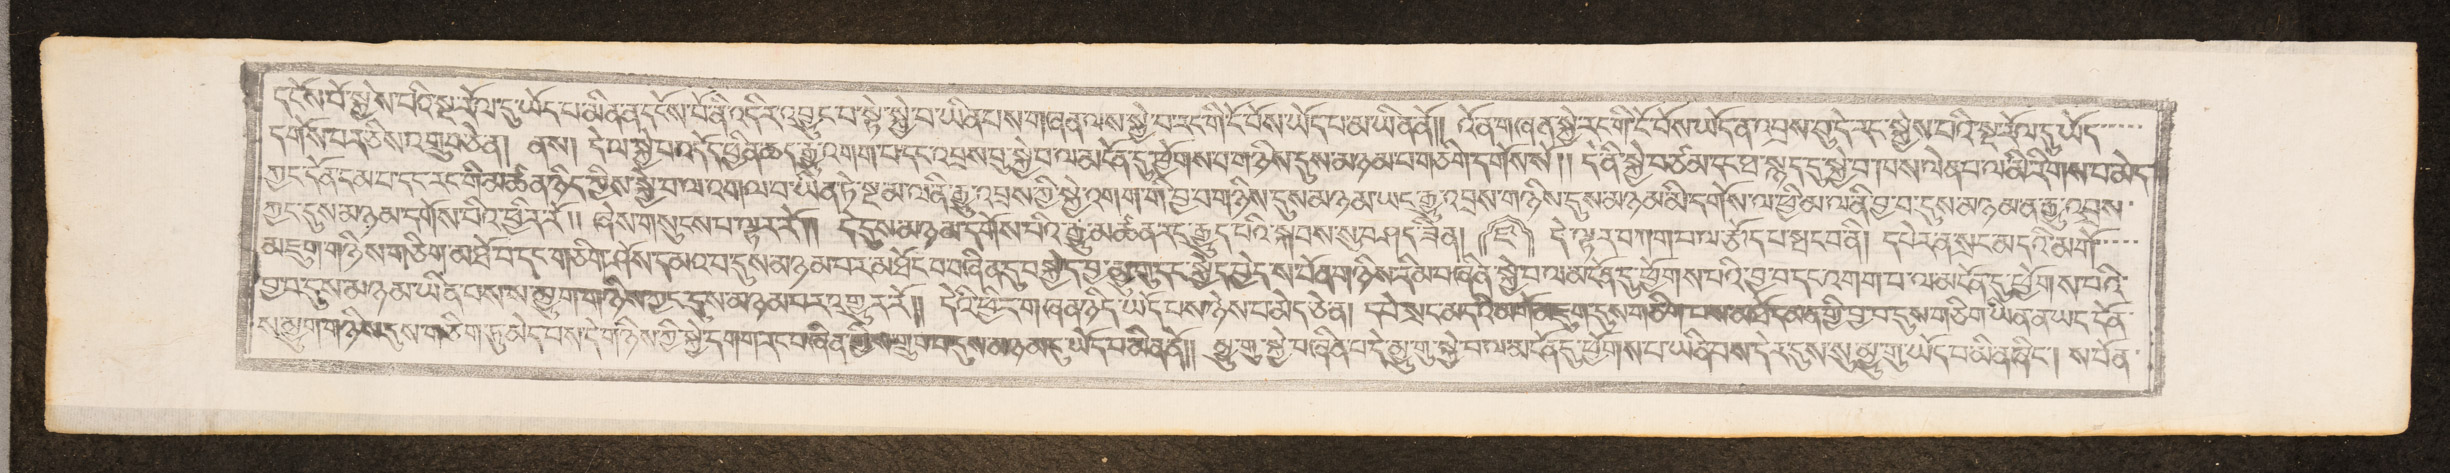དངོས་པོ་སྐྱེས་པའི་སྔ་རོལ་དུ་ཡོད་པ་མིན་ན་དངོས་པོ་ནི་འདིར་འབྱུང་བ་སྟེ་སྐྱེ་བ་ཡིན་པས་གཞན་ལས་སྐྱེ་བ་རང་གི་ངོ་བོས་ཡོད་པ་མ་ཡིན་ནོ།། འོ་ན་གཞན་སྐྱེ་རང་གི་ངོ་བོས་ཡོད་ན་འབྲས་བུ་དེ་རང་སྐྱེས་པའི་སྔ་རོལ་དུ་ཡོད་
དགོས་པར་ཅིས་འགྲུབ་ཅེ་ན། ནས། དེ་ལ་སྐྱེ་བ་འདོད་ཕྱིན་ཆད་རྒྱུ་འགག་པ་དང་འབྲས་བུ་སྐྱེ་བ་ལ་མངོན་དུ་ཕྱོགས་པ་གཉིས་དུས་མཉམ་པ་གཅིག་དགོས་སོ། །དེ་ནི་སྐྱེ་བ་ཙམ་དང་ཐ་སྙད་དུ་སྐྱེ་བ་ཁས་ལེན་པ་ལ་མི་རིགས་པ་མེད་
ཀྱང་དོན་དམ་པ་དང་རང་གི་མཚན་ཉིད་ཀྱིས་སྐྱེ་བ་ལ་འགལ་བ་ཡིན་ཏེ་སྔ་མ་ལ་ནི་རྒྱུ་འབྲས་ཀྱི་སྐྱེ་འགག་གི་བྱ་བ་གཉིས་དུས་མཉམ་ཡང་རྒྱུ་འབྲས་གཉིས་དུས་མཉམ་མི་དགོས་ལ་ཕྱི་མ་ལ་ནི་བྱ་བ་དུས་མཉམ་ན་རྒྱུ་འབྲས་
ཀྱང་དུས་མཉམ་དགོས་པའི་ཕྱིར་རོ།། ཞེས་གསུངས་པ་ལྟར་རོ།། དེ་དུས་མཉམ་དགོས་པའི་རྒྱུ་མཚན་རང་རྒྱུད་པའི་སྐབས་སུ་བཤད་ཟིན། ༼༽ཛ༼༽ དེ་ལྟར་བཀག་པ་ལ་རྩོད་པ་སྤང་བ་ནི། དཔེར་ན་སྲང་མདའི་མགོ་
མཇུག་གཉིས་གཅིག་མཐོ་བ་དང་གཅིག་ཤོས་དམའ་བ་དུས་མཉམ་པར་མཐོང་བ་བཞིན་དུ་བསྐྱེད་བྱ་མྱུ་གུ་དང་སྐྱེད་བྱེད་ས་བོན་གཉིས་རིམ་བཞིན་སྐྱེ་བ་ལ་མངོན་དུ་ཕྱོགས་པའི་བྱ་བ་དང་འགག་པ་ལ་མངོན་དུ་ཕྱོགས་པའི་
བྱ་བ་དུས་མཉམ་ཡིན་པས་ས་མྱུག་གཉིས་ཀྱང་དུས་མཉམ་པར་འགྱུར་རོ།། དེའི་ཕྱིར་གཞན་ཉིད་ཡོད་པས་ཉེས་པ་མེད་ཅེ་ན། དཔེ་སྲང་མདའི་མགོ་མཇུག་དུས་གཅིག་པས་མཐོང་མན་གྱི་བྱ་བ་དུས་གཅིག་ཡིན་ན་ཡང་དོན་
ས་མྱུག་གཉིས་དུས་གཅིག་ཏུ་མེད་པས་དེ་གཉིས་ཀྱི་སྐྱེ་དགག་རང་བཞིན་གྱིས་གྲུབ་པ་དུས་མཉམ་དུ་ཡོད་པ་མིན་ནོ།། མྱུ་གུ་སྐྱེ་བཞིན་པ་དེ་མྱུ་གུ་སྐྱེ་བ་ལ་མངོན་དུ་ཕྱོགས་པ་ཡིན་པས་དེར་དུས་སུ་མྱུ་གུ་ཡོད་པ་མིན་ཞིང་། ས་བོན་